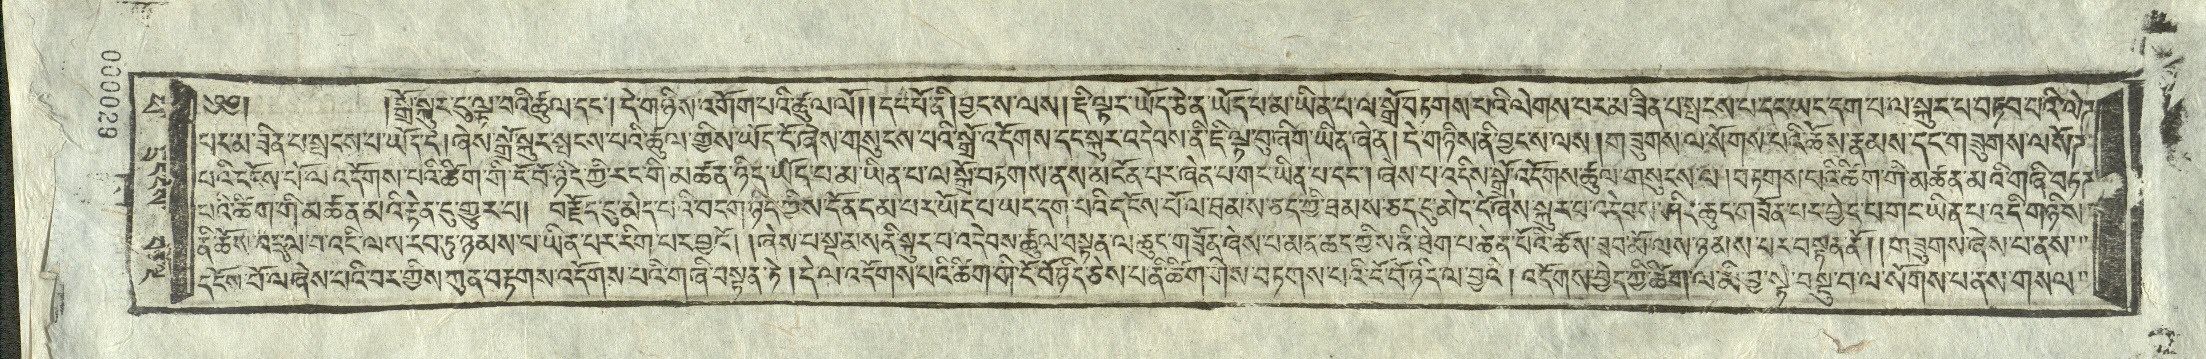༄༅། །སྒྲོ་སྐུར་དུ་ལྟ་བའི་ཚུལ་དང་། དེ་གཉིས་འགོག་པའི་ཚུལ་ལོ། །དང་པོ་ནི། བྱང་ས་ལས། ཇི་ལྟར་ཡོད་ཅེ་ན་ཡོད་པ་མ་ཡིན་པ་ལ་སྒྲོ་བཏགས་པའི་ལེགས་པར་མ་ཟིན་པ་སྤངས་པ་དང་ཡང་དག་པ་ལ་སྐུར་པ་བཏབ་པའི་ལེགས་
པར་མ་ཟིན་པ་སྤངས་པ་ཡོད་དོ། ཞེས་སྒྲོ་སྐུར་སྤངས་པའི་ཚུལ་གྱིས་ཡོད་དོ་ཞེས་གསུངས་པའི་སྒྲོ་འདོགས་དང་སྐུར་འདེབས་ནི་ཇི་ལྟ་བུ་ཞིག་ཡིན་ཞེ་ན། དེ་གཉིས་ནི་བྱང་ས་ལས། གཟུགས་ལ་སོགས་པའི་ཆོས་རྣམས་དང་གཟུགས་ལ་སོགས་
པའི་དངོས་པོ་ལ་འདོགས་པའི་ཚིག་གི་ངོ་བོ་ཉིད་ཀྱི་རང་གི་མཚན་ཉིད་ཡོད་པ་མ་ཡིན་པ་ལ་སྒྲོ་བཏགས་ནས་མངོན་པར་ཞེན་པ་གང་ཡིན་པ་དང་། ཞེས་པ་འདིས་སྒྲོ་འདོགས་ཚུལ་གསུངས་ལ། བཏགས་པའི་ཚིག་གི་མཚན་མའི་གཞི་བཏགས་
པའི་ཚིག་གི་མཚན་མའི་རྟེན་དུ་གྱུར་པ། བརྗོད་དུ་མེད་པའི་བདག་ཉིད་ཀྱིས་དོན་དམ་པར་ཡོད་པ་ཡང་དག་པའི་དངོས་པོ་ལ་ཐམས་ཅད་ཀྱི་ཐམས་ཅད་དུ་མེད་དོ་ཞེས་སྐུར་བ་འདེབས་ཤིང་ཆུད་གཟོན་པར་བྱེད་པ་གང་ཡིན་པ་འདི་གཉིས་
ནི་ཆོས་འདུལ་བ་འདི་ལས་རབ་ཏུ་ཉམས་པ་ཡིན་པར་རིག་པར་བྱའོ། །ཞེས་པ་སྔ་མས་ནི་སྐུར་པ་འདེབས་ཚུལ་བསྟན་ལ་ཆུད་གཟོན་ཞེས་པ་མན་ཆད་ཀྱིས་ནི་ཐེག་པ་ཆེན་པོའི་ཆོས་ཟབ་མོ་ལས་ཉམས་པར་བསྟན་ནོ། །གཟུགས་ཞེས་པ་ནས་
དངོས་པོ་ལ་ཞེས་པའི་བར་གྱིས་ཀུན་བརྟགས་འདོགས་པའི་གཞི་བསྟན་ཏེ། དེ་ལ་འདོགས་པའི་ཚིག་གི་ངོ་བོ་ཉིད་ཅེས་པ་ནི་ཚིག་གིས་བཏགས་པའི་ངོ་བོ་ཉིད་ལ་བྱའི། འདོགས་བྱེད་ཀྱི་ཚིག་ལ་མི་བྱ་སྟེ་བསྡུ་བ་ལ་སོགས་པ་ནས་གསལ་